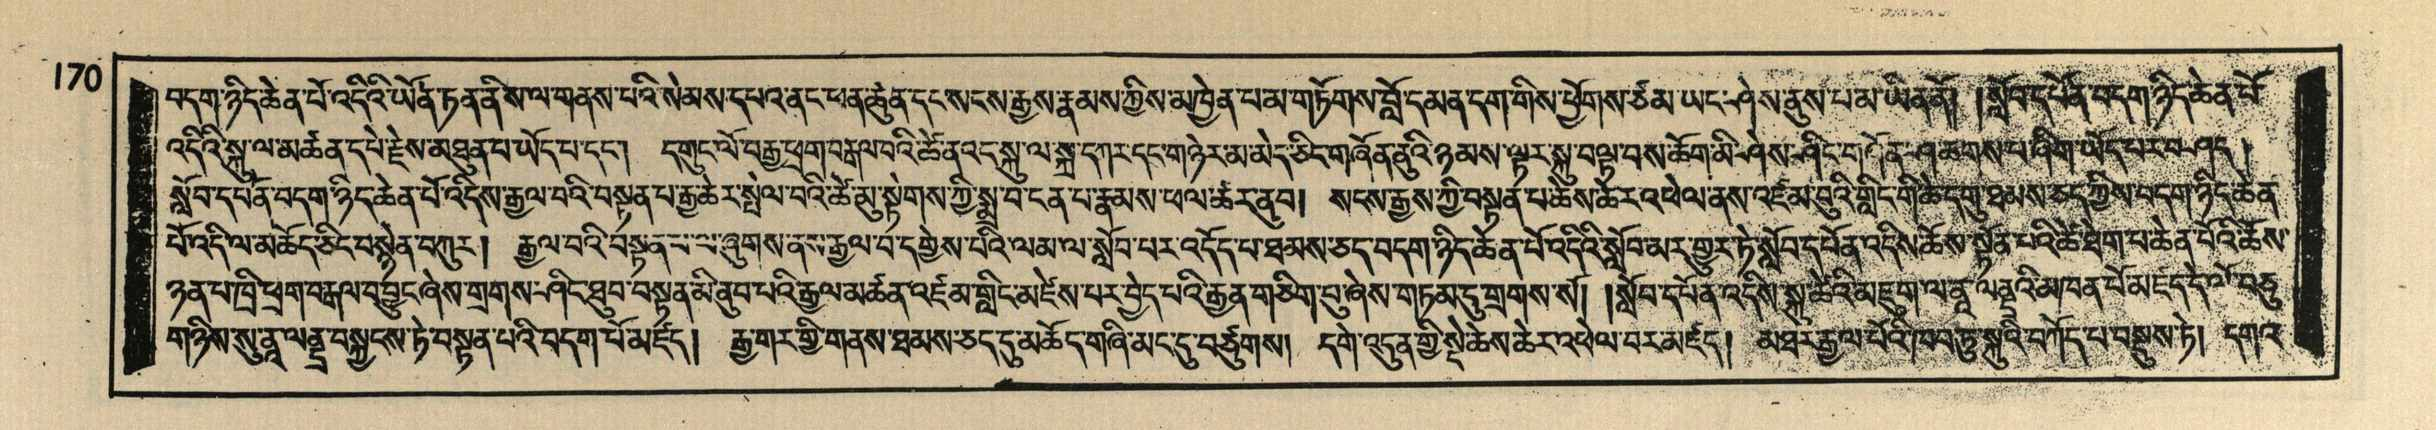བདག་ཉིད་ཆེན་པོ་འདིའི་ཡོན་ཏན་ནིས་ལ་གནས་པའི་སེམས་དཔའ་ནང་ཕན་ཚུན་དང་སངས་རྒྱས་རྣམས་ཀྱིས་མཁྱེན་པ་མ་གཏོགས་བློ་དམན་དག་གིས་ཕྱོགས་ཙམ་ཡང་ཤེས་ནུས་པ་མ་ཡིན་ནོ། །སློབ་དཔོན་བདག་ཉིད་ཆེན་པོ་
འདིའི་སྐུ་ལ་མཚན་དཔེ་རྗེས་མཐུན་པ་ཡོད་པ་དང་། དགུང་ལོ་བརྒྱ་ཕྲག་བརྒལ་བའི་ཚེ་ནའང་སྐུ་ལ་སྐྲ་དཀར་དང་གཉེར་མ་མེད་ཅིང་གཞོན་ནུའི་ཉམས་ལྟར་སྐུ་བལྟ་བས་ཆོག་མི་ཤེས་ཤིང་གཞོན་ཤ་ཆགས་པ་ཞིག་ཡོད་པར་བཤད།
སློབ་དཔོན་བདག་ཉིད་ཆེན་པོ་འདིས་རྒྱལ་བའི་བསྟན་པ་རྒྱ་ཆེར་སྤེལ་བའི་ཚེ་མུ་སྟེགས་ཀྱི་སྨྲ་བ་ངན་པ་རྣམས་ཕལ་ཚར་ནུབ། སངས་རྒྱས་ཀྱི་བསྟན་པ་ཆེས་ཆེར་འཕེལ་ནས་འཛམ་བུའི་གླིང་གི་ཆེ་དགུ་ཐམས་ཅད་ཀྱིས་བདག་ཉིད་ཆེན་
པོ་འདི་ལ་མཆོད་ཅིང་བསྙེན་བཀུར། རྒྱལ་བའི་བསྟན་པ་ལ་ཞུགས་ནས་རྒྱལ་བ་དགྱེས་པའི་ལམ་ལ་སློབ་པར་འདོད་པ་ཐམས་ཅད་བདག་ཉིད་ཆེན་པོ་འདིའི་སློབ་མར་གྱུར་ཏེ་སློབ་དཔོན་འདིས་ཆོས་སྟོན་པའི་ཚེ་ཐེག་པ་ཆེན་པོའི་ཆོས་
ཉན་པ་ཁྲི་ཕྲག་བརྒལ་བ་བྱུང་ཞེས་གྲགས་ཤིང་ཐུབ་བསྟན་མི་ནུབ་པའི་རྒྱལ་མཚན་འཛམ་གླིང་མཛེས་པར་བྱེད་པའི་རྒྱན་གཅིག་བུ་ཞེས་གཏམ་དུ་གྲགས་སོ། །སློབ་དཔོན་འདིས་སྐུ་ཚེའི་མཇུག་ལ་ནཱ་ལནྡྲའི་མཁན་པོ་མཛད་དེ་ལོ་བཅུ་
གཉིས་སུ་ནཱ་ལནྡྲ་བསྐྱངས་ཏེ་བསྟན་པའི་བདག་པོ་མཛད། རྒྱ་གར་གྱི་གནས་ཐམས་ཅད་དུ་མཆོད་གཞི་མང་དུ་བཙུགས། དགེ་འདུན་གྱི་སྡེ་ཆེས་ཆེར་འཕེལ་བར་མཛད། མཐར་རྒྱལ་པོའི་ཁབ་ཏུ་སྐུའི་བཀོད་པ་བསྡུས་ཏེ། དགའ་